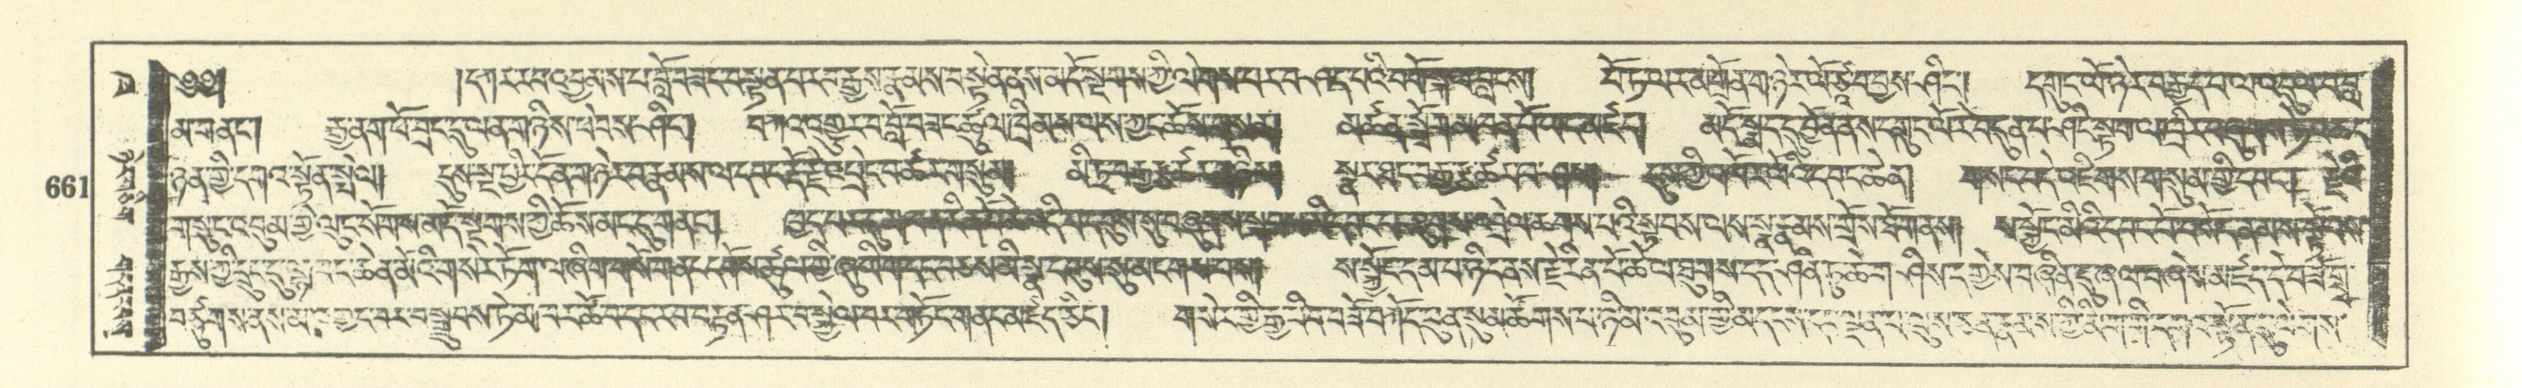༄༅། །དཀར་རབ་འབྱམས་པ་བློ་བཟང་བསྟན་པ་རབ་རྒྱས་རྣམས་བསྟེན་ནས་མདོ་སྔགས་ཀྱི་ལེགས་པར་བཤད་པའི་བགོ་སྐལ་བླངས། པོ་ཏ་ལར་མགྲོན་གཉེར་ལོ་ཙཱ་བ་བྱས་ཤིང་། དགུང་ལོ་ཉེར་བརྒྱད་པ་ལ་འདུལ་བ་བླ་
མ་གནང་། རྒྱ་ནག་ཕོ་བྲང་དུ་ལན་གཉིས་ཕེབས་ཤིང་། བཀའ་འགྱུར་བ་བློ་བཟང་ཚུལ་ཁྲིམས་ལས་ཀྱང་ཆོས་གསན། མཚན་སྒྲོག་མཁན་པོ་ཡང་མཛད། མདོ་སྨད་དུ་བྱོན་ནས་དགུང་ལོ་རེ་བདུན་པ་ཤིང་སྟག་ལ་ཁྲིར་བཞུགས་ཏེ་འཆང་
ཉན་གྱི་དགའ་སྟོན་སྤེལ། དུས་སྔ་ཕྱིར་དོན་གཉེར་བ་རྣམས་ལ་དབང་རྡོ་རྗེ་འཕྲེང་བ་ཚར་གསུམ། མི་ཏྲ་བརྒྱ་རྩ་ཚར་གཉིས། སྣར་ཐང་བརྒྱ་རྩ་ཚར་ཁ་ཤས། དུས་ཀྱི་འཁོར་ལོའི་དབང་ཆེན། གསང་བདེ་འཇིགས་གསུམ་གྱི་དབང་། རྗེའི་
གསུང་འབུམ་གྱི་ལུང་སོགས་མདོ་སྔགས་ཀྱི་ཆོས་མང་དུ་གནང་། ཁྱད་པར་དུ་མཁན་རིན་པོ་ཆེ་འདི་པ་དབུས་སུ་བཞུགས་སྐབས་མི་དབང་དང་ཐུགས་འབྲེལ་ཆགས་པའི་སྟབས་ལས་སྣ་རྣམས་གྲོས་ཐོག་ནས། ས་སྐྱོང་མིའི་དབང་པོ་བསོད་ནམས་སྟོབས་
རྒྱས་ཀྱི་དྲུང་དུ་ལྷ་ཁང་ཆེན་མོའི་གསེར་ཏོག་ལ་ཞིག་གསོ་གནང་དགོས་ཚུལ་གྱི་ཞུ་ཡིག་དང་བཅས་མི་སྣ་དབུས་སུ་མངགས་པས། ས་སྐྱོང་དམ་པ་ཉིད་ནས་རྗེ་རིན་པོ་ཆེ་ལ་ཐུགས་དང་ཤིན་ཏུ་ཆེ་གཤིས་དགྱེས་བཞིན་དུ་ཞལ་བཞེས་མཛད་དེ་བཟོ་གྲྭ་
བཙུགས་ནས་མ་འགྱང་བར་བསྒྲུབས་ཏེ་མཁར་ཚོ་བ་དང་རབ་བརྟན་ཤར་བ་སྐྱེལ་བར་གཏོང་གནང་མཛད་ཅིང་། གསེར་གྱི་རྒྱ་ཕིབ་བཟོ་བཀོད་ཕུན་སུམ་ཚོགས་པ་ཉི་མ་འབུམ་གྱི་མདངས་དང་ལྡན་པ་ལུས་ཅན་རྣམས་ཀྱི་མིག་གི་དགའ་སྟོན་དུ་ལེགས་